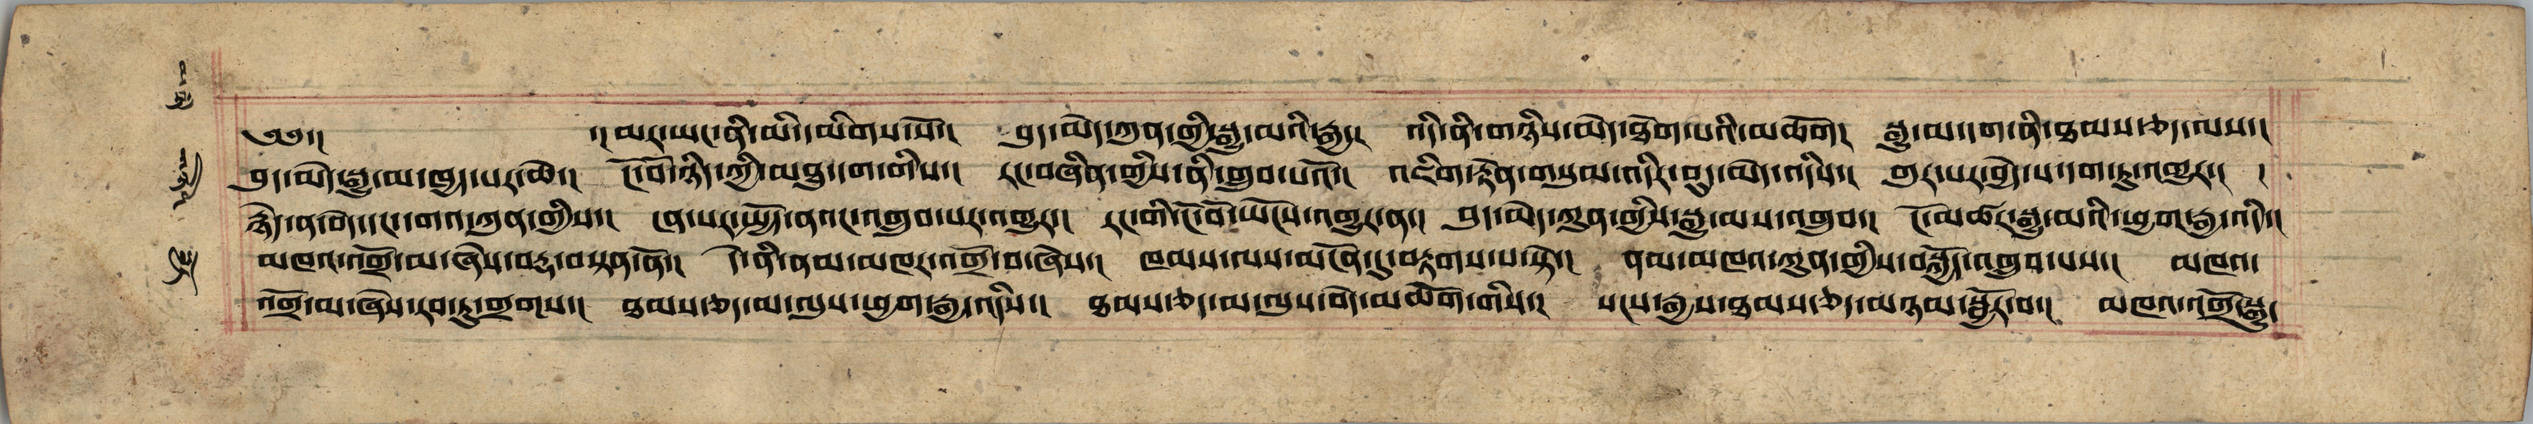༄༅་། ་།མར་ཡང་ནི་མི་དམིགས་སོ་། བུད་མེད་ཀུན་གྱི་སྒྱུ་མའི་རྒྱ་། འདི་ནི་གཉིས་མེད་ཐེག་པའི་མཆོག། སྒྱུ་མ་དག་ནི་ཐམས་ཅད་ལས་།
བུད་མེད་སྒྱུ་མ་ཁྱད་པར་ཆེ་། ངོ་བོ་ཉིད་ཀྱི་མཐུ་དག་གིས་། རང་བཞིན་གྱིས་ནི་གྲུབ་པའོ་། འཇིག་རྟེན་གསུམ་འདིར་བུད་མེད་འདིས་། གུར་པར་བྱེད་པ་དག་ཏུ་འགྱུར་། །
རྙེད་ན་བདེ་དང་དགའ་ཀུན་གྱིས་། ངན་པར་སྤྱོད་ནའང་འགྲུབ་པར་འགྱུར་། རང་གི་ངོ་བོ་ཡོངས་འགྱུར་ན་། བུད་མེད་ཀུན་གྱིས་སྒྱུ་མས་འགྲུབ་། ངོ་མཚར་སྒྱུ་མའི་ཕྱག་རྒྱ་འདི་།
མཁའ་འགྲོ་མ་ཞེས་བརྡ་བསྟན་ནོ་། དེ་ནི་ནམ་མཁར་འགྲོ་བ་ཞེས་། ཁམས་ལས་མངོན་དུ་བརྟགས་པ་སྟེ་། ནམ་མཁའ་ཀུན་གྱིས་བསྐྱོད་འགྲུབ་པས་། མཁའ་
འགྲོ་མ་ཞེས་རབ་ཏུ་གྲགས་། ཐམས་ཅད་མ་ལུས་ཕྱག་རྒྱ་འདིས་། ཐམས་ཅད་མ་ལུས་བདེ་མཆོག་གིས་། སངས་རྒྱས་ཐམས་ཅད་མཉམ་སྦྱོར་བ་། མཁའ་འགྲོ་སྒྱུ་